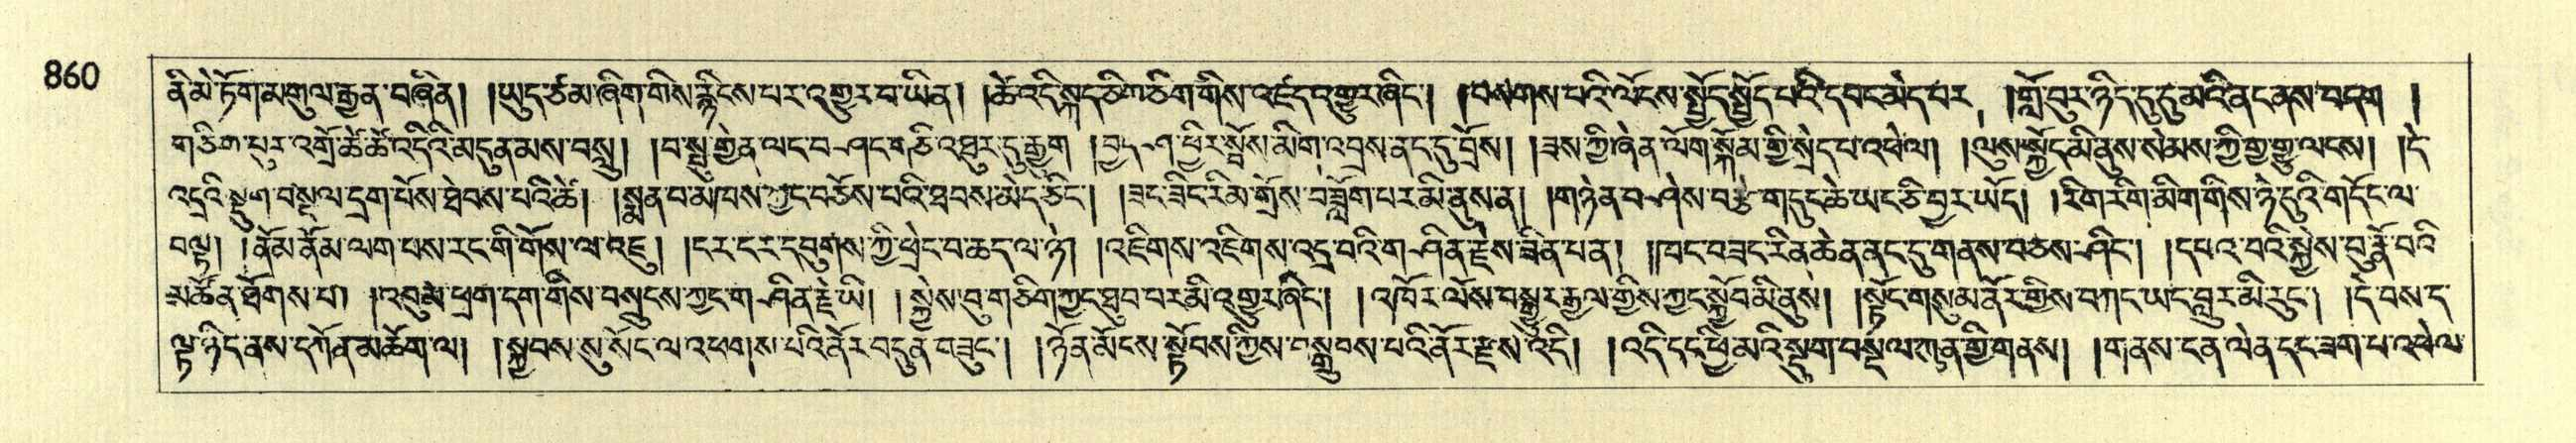ནི་མེ་ཏོག་མགུལ་རྒྱན་བཞིན། །ཡུད་ཙམ་ཞིག་གིས་རྙིངས་པར་འགྱུར་བ་ཡིན། །ཚེ་འདི་སྐད་ཅིག་ཅིག་གིས་འཛད་འགྱུར་ཞིང་། །བསགས་པའི་ལོངས་སྤྱོད་སྤྱོད་པའི་དབང་མེད་པར། །གློ་བུར་ཉིད་དུ་དུ་མའི་ནང་ནས་བདག །
གཅིག་པུར་འགྲོ་ཚེ་ཚེ་འདིའི་མདུན་མས་བསླུ། །བ་སྤུ་གྱེན་ལང་བཤང་གཅི་འཐུར་དུ་རྒྱུག །བྱད་ཤ་ཕྱིར་སྦོས་མིག་འབྲས་ནང་དུ་བྲོས། །ཟས་ཀྱི་ཞེན་ལོག་སྐོམ་གྱི་སྲེད་པ་འཕེལ། །ལུས་སྐྱོད་མི་ནུས་སེམས་ཀྱི་གྱ་གྱུ་ལངས། །དེ་
འདྲའི་སྡུག་བསྔལ་དྲག་པོས་ཐེབས་པའི་ཚེ། །སྨན་བ་མཁས་ཀྱང་བཅོས་པའི་ཐབས་མེད་ཅིང་། །ཟང་ཟིང་རིམ་གྲོས་བཟློག་པར་མི་ནུས་ན། །གཉེན་བཤེས་བརྩེ་གདུང་ཆེ་ཡང་ཅི་བྱར་ཡོད། །རིག་རིག་མིག་གིས་ཉེ་དུའི་གདོང་ལ་
བལྟ། །ནོམ་ནོམ་ལག་པས་རང་གི་གོས་ལ་འཇུ། །ངར་ངར་དབུགས་ཀྱི་ཕྲེང་བ་ཆད་ལ་ཉེ། །འཇིགས་འཇིགས་འདྲ་བའི་གཤིན་རྗེས་ཟིན་པ་ན། །ཁང་བཟང་རིན་ཆེན་ནང་དུ་གནས་བཅས་ཤིང་། །དཔའ་བའི་སྐྱེས་བུ་རྣོ་བའི་
མཚོན་ཐོགས་པ། །འབུམ་ཕྲག་དག་གིས་བསྲུངས་ཀྱང་གཤིན་རྗེ་ཡི། །སྐྱེས་བུ་གཅིག་ཀྱང་ཐུབ་པར་མི་འགྱུར་ཞིང་། །འཁོར་ལོས་བསྒྱུར་རྒྱལ་གྱིས་ཀྱང་སྐྱོབ་མི་ནུས། །སྟོང་གསུམ་ནོར་གྱིས་བཀང་ཡང་བླུར་མི་རུང་། །དེ་བས་ད་
ལྟ་ཉིད་ནས་དཀོན་མཆོག་ལ། །སྐྱབས་སུ་སོང་ལ་འཕགས་པའི་ནོར་བདུན་བཟུང་། །ཉོན་མོངས་སྟོབས་ཀྱིས་བསྒྲུབས་པའི་ནོར་རྫས་འདི། །འདི་དང་ཕྱི་མའི་སྡུག་བསྔལ་ཀུན་གྱི་གནས། །གནས་ངན་ལེན་དང་ཟག་པ་འཕེལ་